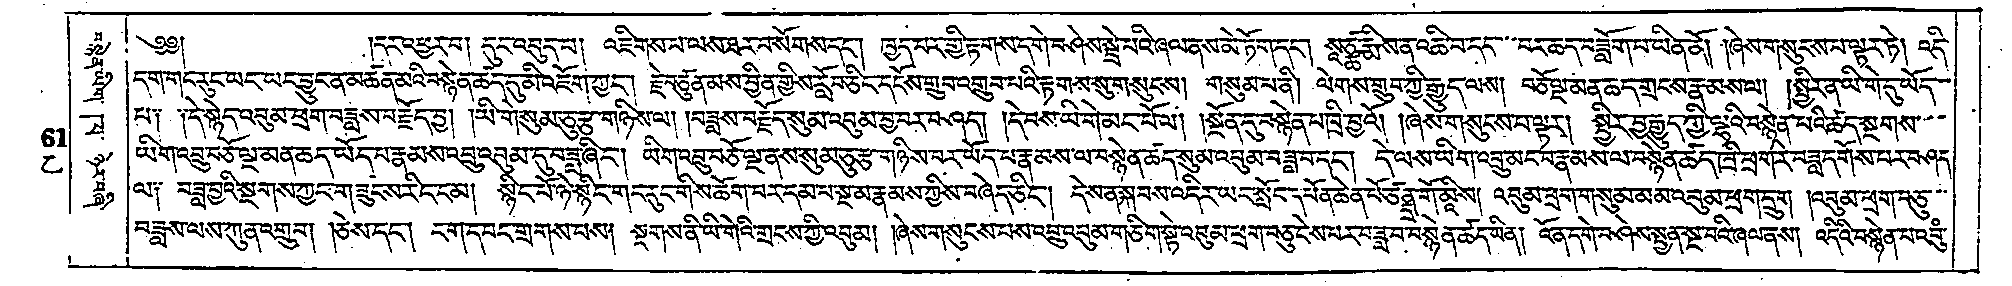༄༅། །དར་འཕྱར་བ། དུང་འབུད་པ། འཇིགས་པ་ལས་ཐར་བ་སོགས་དང་། ཁྱད་པར་གྱི་རྟགས་དགེ་བཤེས་སྤྲེ་པའི་ཞལ་ནས་མེ་ཏོག་དང་། སཱཙྪ་རྨིས་ན་འཆི་བ་དང་་་བར་ཆད་བཟློག་པ་ཡིན་ནོ། །ཞེས་གསུངས་པ་ལྟར་ཏེ། འདི་
དག་གང་རུང་ཡང་ཡང་བྱུང་ན་མཚན་མའི་བསྙེན་ཚད་དུ་མི་འཇོག་ཀྱང་། རྗེ་བཙུན་མས་བྱིན་གྱིས་རློབ་ཅིང་དངོས་གྲུབ་འགྲུབ་པའི་རྟགས་སུ་གསུངས། གསུམ་པ་ནི། ལེགས་གྲུབ་ཀྱི་རྒྱུད་ལས། བཅོ་ལྔ་མན་ཆད་གྲངས་རྣམས་ལ། །སྤྱིར་ན་ཡི་གེ་དུ་ཡོད་་་
པ༑ ༑དེ་སྙེད་འབུམ་ཕྲག་བཟླས་བརྗོད་བྱ། །ཡི་གེ་སུམ་ཅུ་རྩ་གཉིས་ལ། །བཟླས་བརྗོད་སུམ་འབུམ་བྱ་བར་བཤད། །དེ་བས་ཡི་གེ་མང་པོ་ལ། །སྔོན་དུ་བསྙེན་པ་ཁྲི་བྱའོ། །ཞེས་གསུངས་པ་ལྟར། སྤྱིར་བྱ་རྒྱུད་ཀྱི་ལྷའི་བསྙེན་པའི་ཚད་སྔགས་་་
ཡིག་འབྲུ་བཅོ་ལྔ་མན་ཆད་ཡོད་པ་རྣམས་འབྲུ་འབུམ་དུ་བཟླ་ཞིང་། ཡིག་འབྲུ་བཅོ་ལྔ་ནས་སུམ་ཅུ་རྩ་གཉིས་བར་ཡོད་པ་རྣམས་ལ་བསྙེན་ཚད་སུམ་འབུམ་བཟླ་བ་དང་། དེ་ལས་ཡིག་འབྲུ་མང་བ་རྣམས་ལ་བསྙེན་ཚད་ཁྲི་ཕྲག་རེ་བཟླ་དགོས་པར་བཤད་
ལ༑ བཟླ་བྱའི་སྔགས་ཀྱང་གཟུངས་རིང་ངམ། སྙིང་པོ་ཉེ་སྙིང་གང་རུང་གིས་ཆོག་པར་དམ་པ་སྔ་མ་རྣམས་ཀྱིས་བཞེད་ཅིང་། དེས་ན་སྐབས་འདིར་ཡང་སློབ་དཔོན་ཆེན་པོ་ཙནྡྲ་གོ་མཱིས། འབུམ་ཕྲག་གསུམ་མམ་འབུམ་ཕྲག་དྲུག །འབུམ་ཕྲག་བཅུ་་་
བཟླས་ལས་ཀུན་འགྲུབ། །ཅེས་དང་། ངག་དབང་གྲགས་པས། སྔགས་ནི་ཡི་གེའི་གྲངས་ཀྱི་འབུམ། །ཞེས་གསུངས་པས་འབྲུ་འབུམ་གཅིག་སྟེ་འབུམ་ཕྲག་བཅུ་ངེས་པར་བཟླ་བ་བསྙེན་ཚད་ཡིན། འོ་ན་དགེ་བཤེས་སྤྱན་སྔ་བའི་ཞལ་ནས། འདིའི་བསྙེན་པ་འབུཾ་